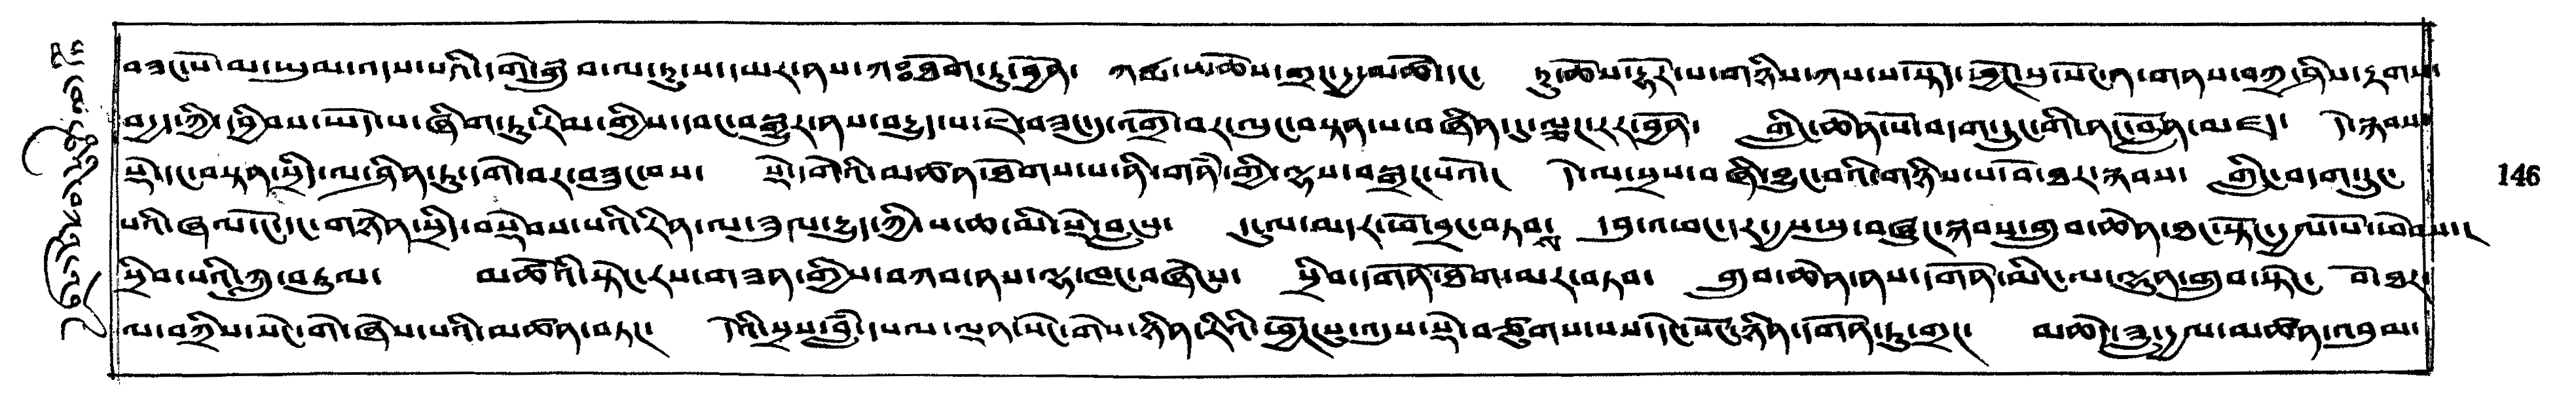བཟང་པོ་མ་ཡུམ་འདས་པའི་དགེ་སྒྲུབ་ལ་ཏུ་ས་དམར་ནས་ཀཿཐོག་ཏུ་བྱོན། ཀརྨ་པ་ཆོས་གྲགས་རྒྱ་མཚོ་དང་། ཏུ་ཆོས་རྡོར་པ་གཉིས་ཀས་ས་སྟོད་ཕྱོགས་སུ་སོང་ན་གནས་བཀྲ་ཤིས་རྟགས་
བརྒྱད་ཀྱི་དབྱིབས་ཡོད་པ་ཞིག་ཏུ་རིམ་གྱིས་དབང་བསྒྱུར་ནས་བརྒྱུད་པ་ཇེ་བཟང་དུ་འགྲོ་བར་ལུང་བསྟན་པ་བཞིན་དུ་ལྕགས་རར་བྱོན། གླིང་ཆེན་པོ་བདག་དྲུང་གི་ནང་བློན་མཛད། དེ་སྐབས་
སྡེ་དང་བསྟན་སྲིད་ལ་ཤིན་ཏུ་དགེ་བར་བཟུང་བས། སྡེ་དགེའི་མཚན་ཐོགས་པ་ནི་གནམ་གྱི་ལྷས་བསྒྲགས་པའོ། དེ་ལ་སྲས་བཞི་བྱུང་བའི་གཉིས་པ་བོ་ཐར་སྐབས། གླིང་བདག་དྲུང་
པའི་ཞལ་ངོ་དང་གཉེན་སྲིད་བསྡེབས་པའི་རིན་ལ་ཟུལ་རྒྱུད་ཀྱི་ས་ཆ་མི་སྡེ་བླངས། དངུལ་མདར་ཕོ་བྲང་བཏབ། དབུ་འཕང་དར་རྒྱས་སུ་བཞུགས་སྐབས་གྲུབ་ཆེན་ཐང་སྟོང་རྒྱལ་པོ་ཕེབས། 
སྲིབ་པའི་ཀླུ་བཏུལ། མཚོའི་སྟེང་རས་གཟན་གྱིས་བཀབ་ནས་ལྷ་ཁང་བཞེངས། སྲིབ་དགོན་ཐོག་མར་བཏབ། གྲུབ་ཆེན་ནས་དགོན་མིང་ལ་ལྷུན་གྲུབ་སྟེང་། བོ་ཐར་
ལ་བཀྲ་ཤིས་སེང་གེ་ཞེས་པའི་མཚན་བཏགས། དེའི་སྲས་བླ་མ་དཔལ་ལྡན་སེང་གེས་ཉིན་རིའི་ཕྱོགས་སུ་འདུས་སྡེ་བཙུགས་པས་དེང་སང་ཉིན་དགོན་དུ་གྲགས། མཆེད་ཟླ་རྒྱལ་མཚན་འབུམ་